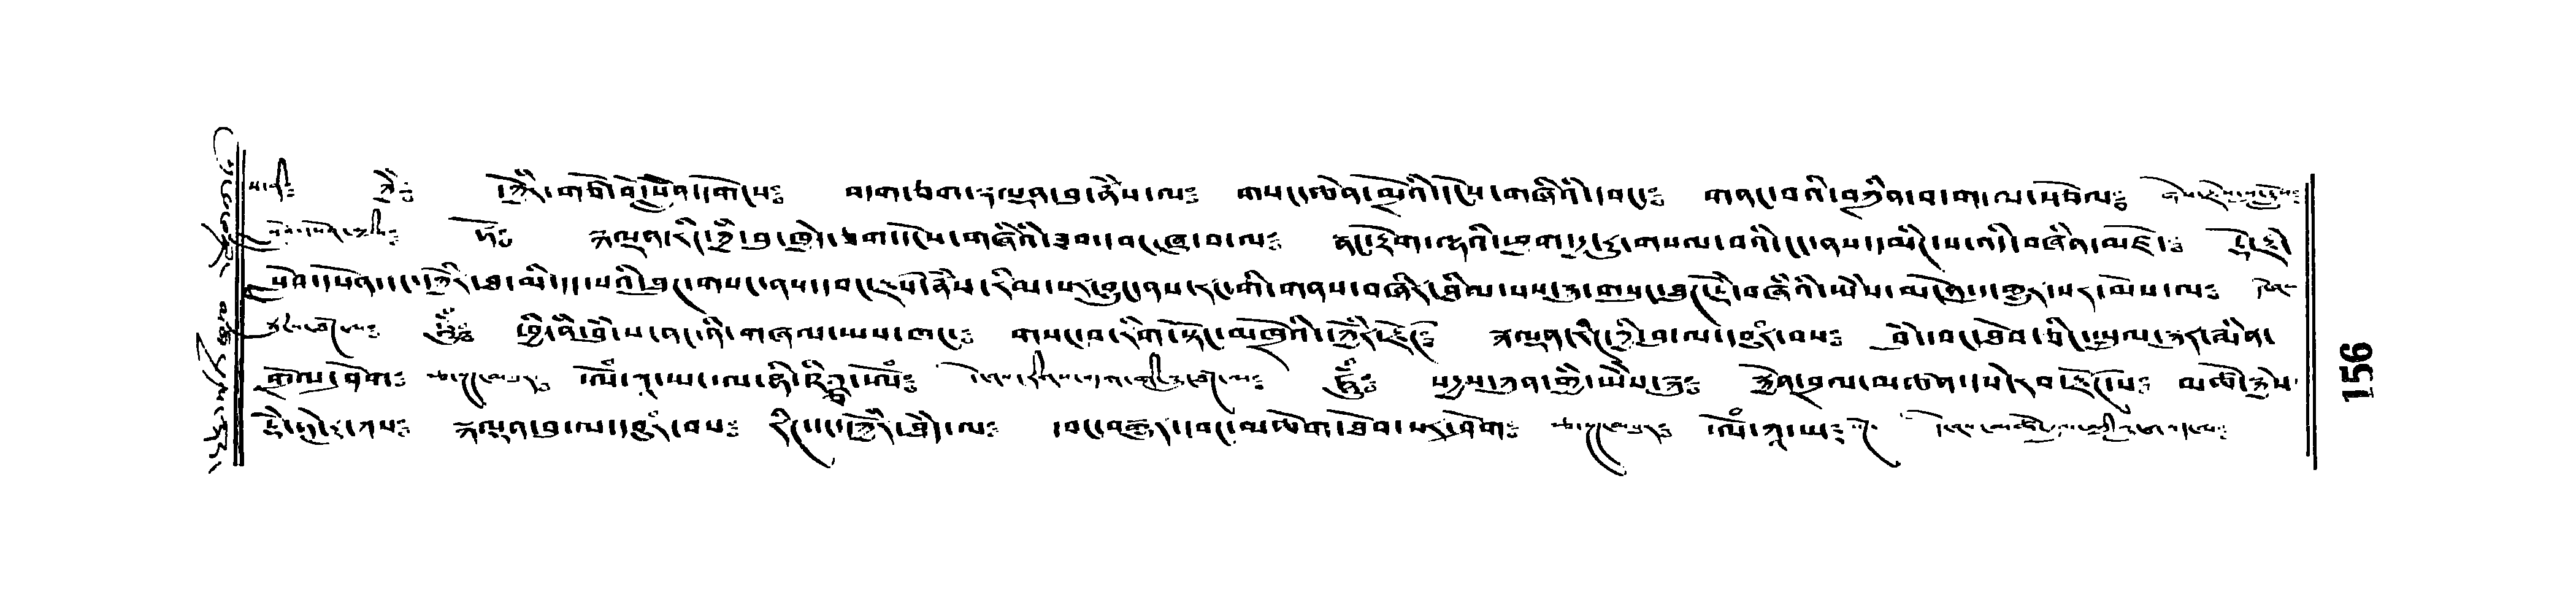པ་ནི༔ ཀྱཻ༔ དཀྱིལ་འཁོར་གཙོ་བོ་སློབ་དཔོན་དགོངས༔ བདག་ཅག་སྐལ་ལྡན་བུ་རྣམས་ལ༔ གསང་ཆེན་མཁའ་འགྲོའི་དངོས་གཞིའི་དབང༔ གནང་བའི་བཀའ་དྲིན་བདག་ལ་སྩོལ༔ཞེས་རྗེས་སུ་ཟློས༔ 
སློབ་དཔོན་གྱིས༔ ཧོཿ སྐལ་ལྡན་རིགས་ཀྱི་བུ་ཁྱེད་ཅག་དངོས་གཞིའི་ཟབ་དབང་ཞུ་བ་ལ༔ སྣང་རྟོག་ལྷའི་ཕྱག་རྒྱ་རུ་གསལ་བའི་ངང་ནས་དམིགས་པ་འདི་བཞིན་མཛོད༔ རྡོ་རྗེ་
སློབ་དཔོན་དང་དཀྱིལ་འཁོར་ཐ་མི་དད་པའི་ཐུགས་གསང་ནས་དབང་རྫས་རྣམས་རིམ་པར་བྱུང་ནས་རང་གི་གནས་བཞིར་ཐིམ་པས་སྐུ་གསུང་ཐུགས་རྡོ་རྗེ་བཞིའི་ཡེ་ཤེས་མངོན་དུ་གྱུར་པ་མོས་ལ༔ དེ་ནས་
བུམ་པ་ཐོགས་ལ༔ ཧཱུྃ༔ ཕྱི་ནི་བུམ་པ་ནང་ནི་གཞལ་ཡས་ཁང༔ གསང་བ་རིག་སྟོང་མཁའ་འགྲོའི་དཀྱིལ་འཁོར་རྫོགས༔ སྐལ་ལྡན་རིགས་ཀྱི་བུ་ལ་དབང་བསྐུར་བས༔ བུམ་དབང་ཐོབ་ཅིང་སྤྲུལ་སྐུར་སྨིན་
གྲོལ་ཤོག༔ རྩ་སྔགས་མཐར༔ ཨོཾ་ཀཱ་ཡ་ཨ་བྷི་རིཉྩ་ཨོཾ༔ དེ་ནས་རིགས་བདག་གི་སྐུ་ཐོགས་ལ༔ ཧཱུྃ༔ སངས་རྒྱས་ཀུན་གྱི་ཡེ་ཤེས་སྐུ༔ རྐྱེན་བྲལ་མཚན་དཔེ་རབ་རྫོགས་པ༔ མཚོ་སྐྱེས་
རྡོ་རྗེ་ཧེ་རུ་ཀས༔ སྐལ་ལྡན་བུ་ལ་དབང་བསྐུར་བས༔ རིགས་དང་དཀྱིལ་འཁོར་ཐམས་ཅད་ལ༔ དབང་བསྒྱུར་དབང་མཆོག་ཐོབ་པར་ཤོག༔ རྩ་སྔགས་མཐར༔ ཨོཾ་ཀཱ་ཡ་སོགས༔ དེ་ནས་མཚོ་རྒྱལ་གྱི་སྐུ་གཏད་ལ༔